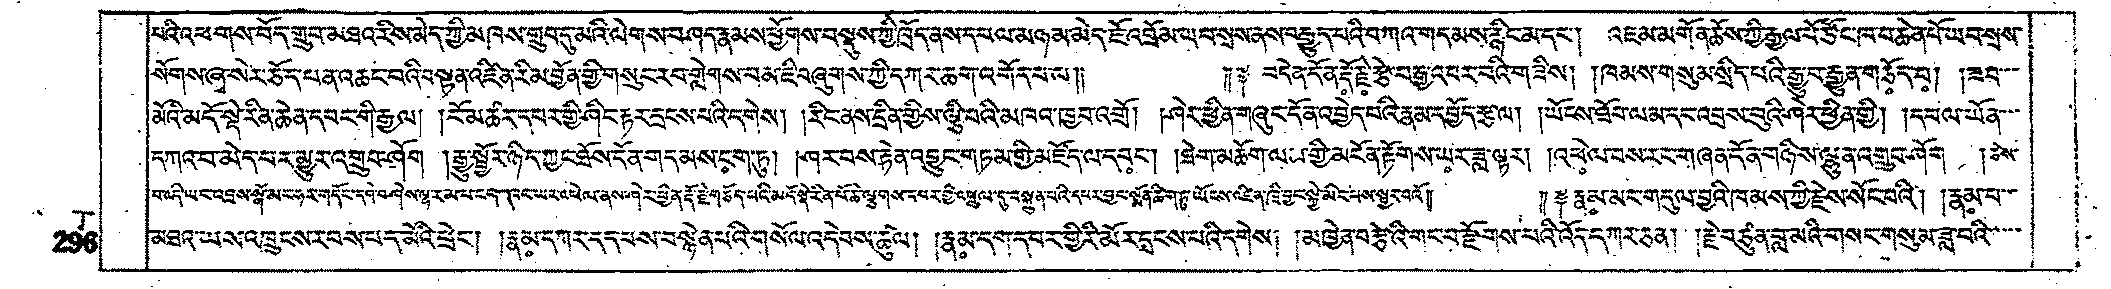པའི་འཕགས་བོད་གྲུབ་མཐའ་རིས་མེད་ཀྱི་མཁས་གྲུབ་དུ་མའི་ལེགས་བཤད་རྣམས་ཕྱོགས་བསྡུས་ཀྱི་ཁྲོད་ནས་དཔལ་མཉམ་མེད་ཇོ་འབྲོམ་ཡབ་སྲས་ནས་བརྒྱུད་པའི་བཀའ་གདམས་རྙིང་མ་དང་། འཇམ་མགོན་ཆོས་ཀྱི་རྒྱལ་པོ་ཙོང་ཁ་པ་ཆེན་པོ་ཡབ་སྲས་
སོགས་ཞྭ་སེར་ཅོད་པན་འཆང་བའི་བསྟན་འཛིན་རིམ་བྱོན་གྱི་གསུང་རབ་གླེགས་བམ་ཇི་བཞུགས་ཀྱི་དཀར་ཆག་འགོད་པ་ལ།། །།འ་བདེན་དོན་རྡོ྾་རྗེ྾་རྩེ་བརྒྱ་འབར་བའི་གཟིས། །ཁམས་གསུམ་སྲིད་པའི་རྒྱུ་བ་རྒྱུན་གཅོད྾་པ྾། །ཟབ་་་
མོའི་མདོ་སྡེ་རིན་ཆེན་དབང་གི་རྒྱལ། །ངོ་མཚར་དཔར་གྱི་ཤིང་རྟར་དྲངས་པའི་དགེས། །རིང་ནས་དྲིན་གྱིས་ལྕི་བའི་མཁའ་ཁྱབ་འགྲོ། །ཤེར་ཕྱིན་གཞུང་དོན་འབྱེད་པའི་རྣམ་དཔྱོད་རྩལ། །ཡོངས་ཐོབ་ལམ་དང་འབྲས་བུའི་ཤེར་ཕྱིན་གྱི། །དཔལ་ཡོན་་་
དཀའ་བ་མེད་པར་མྱུར་འགྲུབ་ཤོག །རྒྱུ་སྦྱོར་ཉིད་ཀྱང་ཐོས་དོན་གདམས་ངག་ཏུ། །ཤར་བས་རྟེན་འབྱུང་གཏམ་གྱི་མཛོད་ལ་དབང྾། །ཐེག་མཆོག་ལམ་གྱི་མངོན་རྟོགས་ཡར྾་ཟླ་ལྟར། །འཕེལ྾་བས་རང་གཞན་དོན་གཉིས་ལྷུན་འགྲུབ་ཤོག །ཅེས་
པ་འདི་ཡང་འབྲས་སྒོ་མང་ཧར་གདོང་དགེ་བཤེས་ལྷ་རམ་པ་ངག་དབང་ཡར་འཕེལ་ནས་ཤེར་ཕྱིན་རྡོ་རྗེ་གཅོད་པའི་མདོ་སྡེ་རིན་པོ་ཆེ་ལྕགས་དཔར་གྱི་འཕྲུལ་དུ་བསྐྲུན་པའི་དཔར་བྱང་སྨོན་ཚིག་ཏུ་ཡོངས་འཛིན་ཁྲི་བྱང་སྐྱེ་མིང་པས་སྦྱར་བའོ།། །། འ་རྣམ྾་མང་གདུལ་བྱའི་ཁམས་ཀྱི་རྗེས་སོང་བའི། །རྣམ྾་པ་་་
མཐའ་ཡས་འཁྲུངས་རབས་པད་མོའི་ཕྲེང་། །རྣམ྾་དཀར་དད་པས་བསྙེན་པའི་གསོལ་འདེབས་ཚུལ། །རྣམ྾་དག་དཔར་གྱི་རི་མོར་དྲངས་པའི་དགེས། །མཁྱེན་བརྩེའི་གང་བ་རྫོགས་པའི་འོད་དཀར་ཅན། །རྗེ་བཙུན་བླ་མའི་གསང་གསུམ་ཟླ་བའི་་་